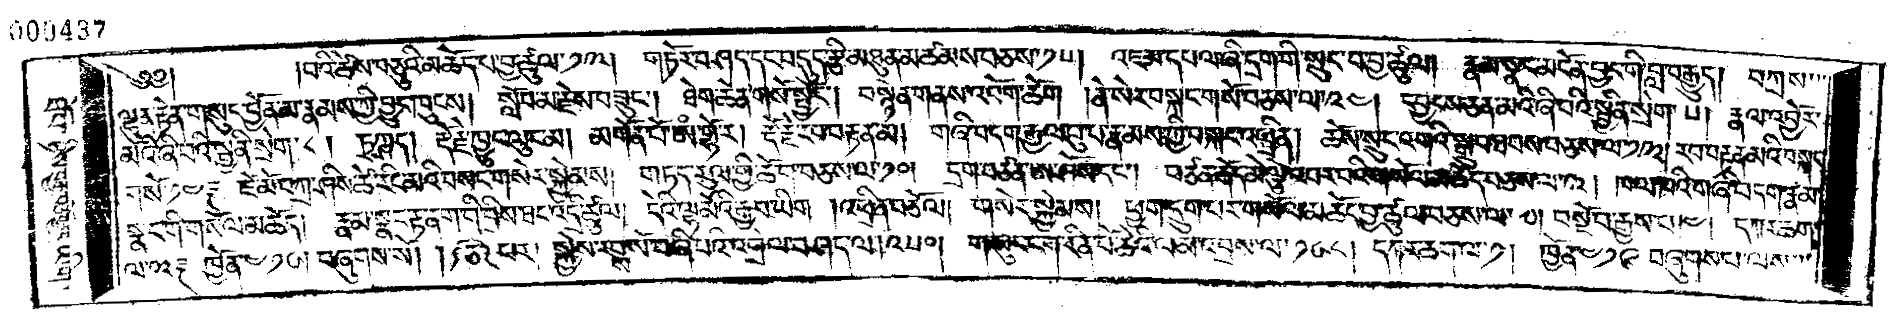༄༅། །བའི་ཚེས་བཅུའི་མཆོད་པ་བྱ་ཚུལ ༡༣། གཏོར་བཤད་དང་བདུད་རྩི་མཐུན་མཚམས་བཅས ༡༥། འཇམ་དཔལ་ཞི་དྲག་གི་སྲུང་བ་བྱ་ཚུལ། རྣམ་སྣང་མངོན་བྱང་གི་བླ་བརྒྱུད། བཀྲས་
ལྷུན་རྟེན་གསུང་བྱོན་མ་རྣམས་ཀྱི་བྱུང་ཁུངས། སློབ་མ་རྗེས་བཟུང་། ཐེག་ཆེན་གསོ་སྦྱོང་། བསྙེན་གནས་འབོག་ཆོག །ནེ་སེར་བསྐང་གསོ་བཅས་ལ ༢༤། དབྱངས་ཅན་མའི་ཞི་བའི་སྦྱིན་སྲེག ༥། རྣལ་འབྱོར་
མའི་ཞི་བའི་སྦྱིན་སྲེག ༨། ཏྲཀྵད། རྡོ་རྗེ་ཁྱུང་ལུང་ངམ། མགོན་པོ་ཨཾ་གྷོ་ར། རྡོ་རྗེ་རབ་བརྟན་མ། གཞི་བདང་རྒྱལ་བུ་པ་རྣམས་ཀྱི་བསྐང་འཕྲིན། ཆོས་སྲུང་འགའི་སྒྲུབ་ཐབས་བཅས་ལ ༡༣། རབ་བརྟན་མའི་བསྐང་
གསོ ༡༤༑ ཇོ་མོ་བཀྲ་ཤིས་ཚེ་རིང་མའི་བསང་གསེར་སྐྱེམས། གཏད་རུལ་གྱི་ཆོ་ག་བཅས་ལ༡༠། དྲག་བཙན་ཨ་ཤོས་དང་། བཙན་རྒོད་མེ་ལྕེ་འབར་བའི་གསོལ་མཆོད་བཅས་ལ ༣། ཁལ་ཁའི་གཞི་བདག་རྣམ་
སྣང་གི་གསོལ་མཆོད། རྣམ་སྣང་རྟན་ནག་གི་བྲིས་ཐང་འདྲི་ཚུལ། དེའི་ལྷ་མོའི་རྒྱབ་ཡིག །འཕྲིན་བཅོལ། གསེར་སྐྱེམས། ཕྱག་དྲུག་པར་གསོལ་མཆོད་བྱ་ཚུལ་བཅས་ལ ༧། བསྔོ་བ་རྒྱས་པ།༤། དཀར་ཆག་
ལ༣༑ ཁྱོན ༤༡༦། བཞུགས་སོ། །༼ཅ༽ པར། སྐྱེས་རབས་སོ་བཞི་པའི་འགྲེལ་བཤད་ལ ༢༥༠། གསུང་ངག་རིན་པོ་ཆེའི་ལམ་འབྲས་ལ ༡༦༨། དཀར་ཆག་ལ༡། ཁྱོན ༤༡༩། བཞུགས་པ་ལས་